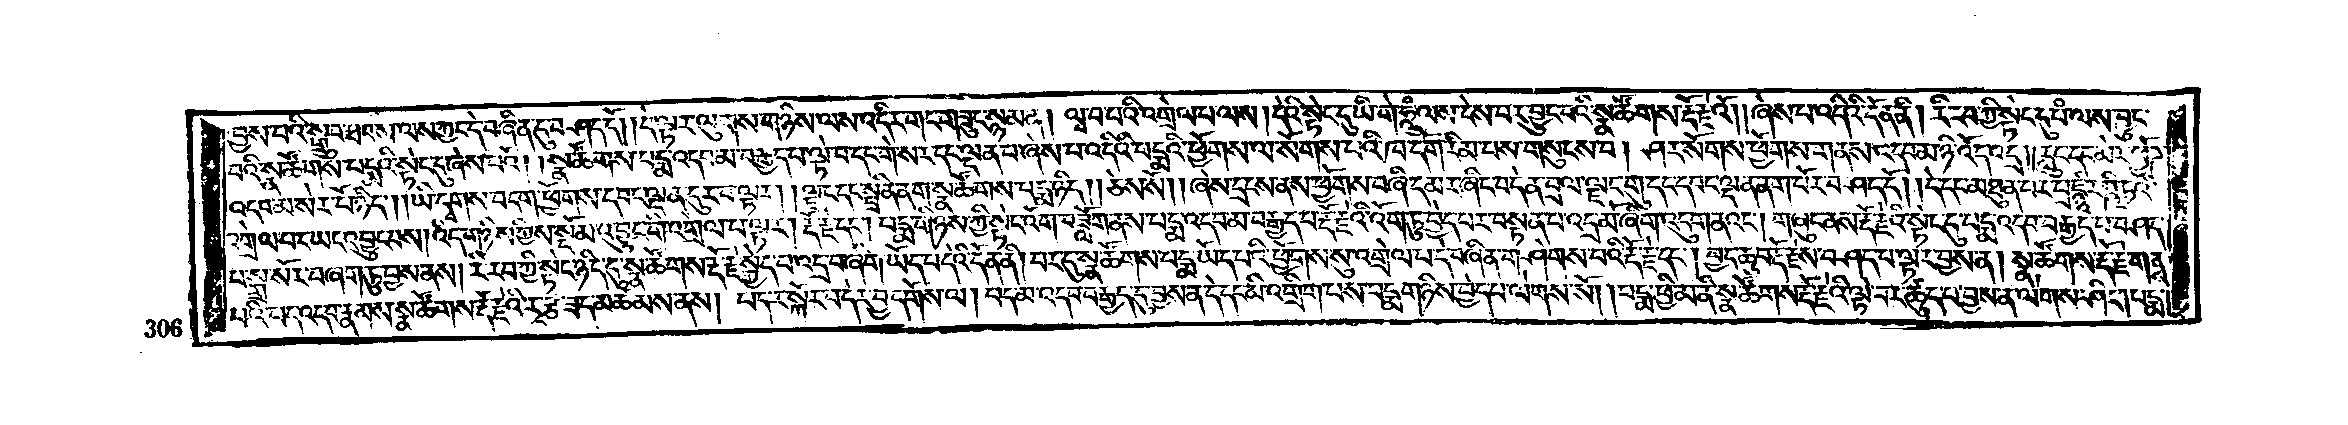བྱས་པའི་སྒྲུབ་ཐབས་ལས་ཀྱང་དེ་བཞིན་དུ་བཤད་དོ། །དེ་ལྟར་ལུགས་གཉིས་ལས་འདིར་གང་གཟུང་སྙམ་ན། ལྭ་བ་པའི་འགྲེལ་པ་ལས། དེའི་སྟེང་དུ་ཡི་གེ་ཧཱུཾ་ལས་ངེས་པར་བྱུང་བའི་སྣ་ཚོགས་རྡོ་རྗེའོ། །ཞེས་པ་འདིའི་དོན་ནི། རི་རབ་ཀྱི་སྟེང་དུ་པཾ་ལས་བྱུང་
བའི་སྣ་ཚོགས་པདམའི་སྟེང་དུ་ཞེས་པའོ། །སྣ་ཚོགས་པདམ་འདབ་མ་བརྒྱད་པ་ལྟེ་བ་དང་གེ་སར་དང་ལྡན་པ་ཞེས་པ་འདིའི་པདམའི་ཕྱོགས་ལ་སོགས་པའི་ཁ་དོག་རིམ་པས་གསུངས་པ། ཤར་སོགས་ཕྱོགས་གནས་འདབ་མ་ཉི་འོད་འདྲ། །རླུང་དང་མེར་ཕྱོགས་
འདབ་མ་སེར་པོ་ཉིད། །ཡི་དྭགས་བདག་ཕྱོགས་དབང་ལྡན་དུར་བ་ལྟར། །ལྗང་དང་སྤྲིན་ནག་སྣ་ཚོགས་པདམ་ཉིད། །ཅེས་སོ། །ཞེས་དྲངས་ནས་ཕྱོགས་བཞི་དམར་བཞིང་བདེན་བྲལ་ལྗང་གུ་དང་དབང་ལྡན་ནག་པོར་བཤད་དོ། །དེ་དང་མཐུན་པར་པྲཛྙཱ་རཀྵི་ཏའི་
འགྲེལ་པར་ཡང་འབྱུང་བས། འདི་གཉིས་ཀྱིས་སྡོམ་འབྱུང་གི་འགྲེལ་པ་ལྟར། རྡོ་རྗེ་དང་། པདམ་གཉིས་ཀྱི་སྟེང་འོག་བཟློག་ནས་པདམ་འདབ་མ་བརྒྱད་པ་རྡོ་རྗེའི་འོག་ཏུ་བྱེད་པར་བསྟན་པ་འདྲ་མོ་ཞིག་འདུག་ནའང་། གཞུང་ནས་རྡོ་རྗེའི་སྟེང་དུ་པདམ་འདབ་བརྒྱད་པ་བཤད་
པ་སྒྲ་སོར་བཞག་ཏུ་བྱས་ན། རི་རབ་ཀྱི་སྟེང་ཉིད་དུ་སྣ་ཚོགས་རྡོ་རྗེ་སྐྱེད་པ་འདྲ་བ་ཞིག་ཡོད་པ་དེའི་དོན་ནི། བར་དུ་སྣ་ཚོགས་པདམ་ཡོད་པའི་ཕྱོགས་སུ་འགྲེལ་པ་དེ་བཞིན་གཤེགས་པའི་རྡོ་རྗེ་དང་། བྱང་ཆུབ་རྡོ་རྗེས་བཤད་པ་ལྟར་བྱས་ན། སྣ་ཚོགས་རྡོ་རྗེ་གནས་
པའི་པད་འདབ་རྣམས་སྣ་ཚོགས་རྡོ་རྗེའི་རྭ་རྩ་ཟད་མཚམས་ནས། པད་ར་སྐོར་བ་དེར་བྱ་དགོས་ལ། པད་མ་འདབ་བརྒྱད་དུ་བྱས་ན་དེ་དང་མི་འགྲིག་པས་པདམ་གཉིས་བྱེད་པ་ལེགས་སོ། །པདམ་ཕྱི་མ་ནི་སྣ་ཚོགས་རྡོ་རྗེའི་ལྟེ་བར་ཚུད་པ་བྱས་ན་ལེགས་ཤིང་། པདམ་